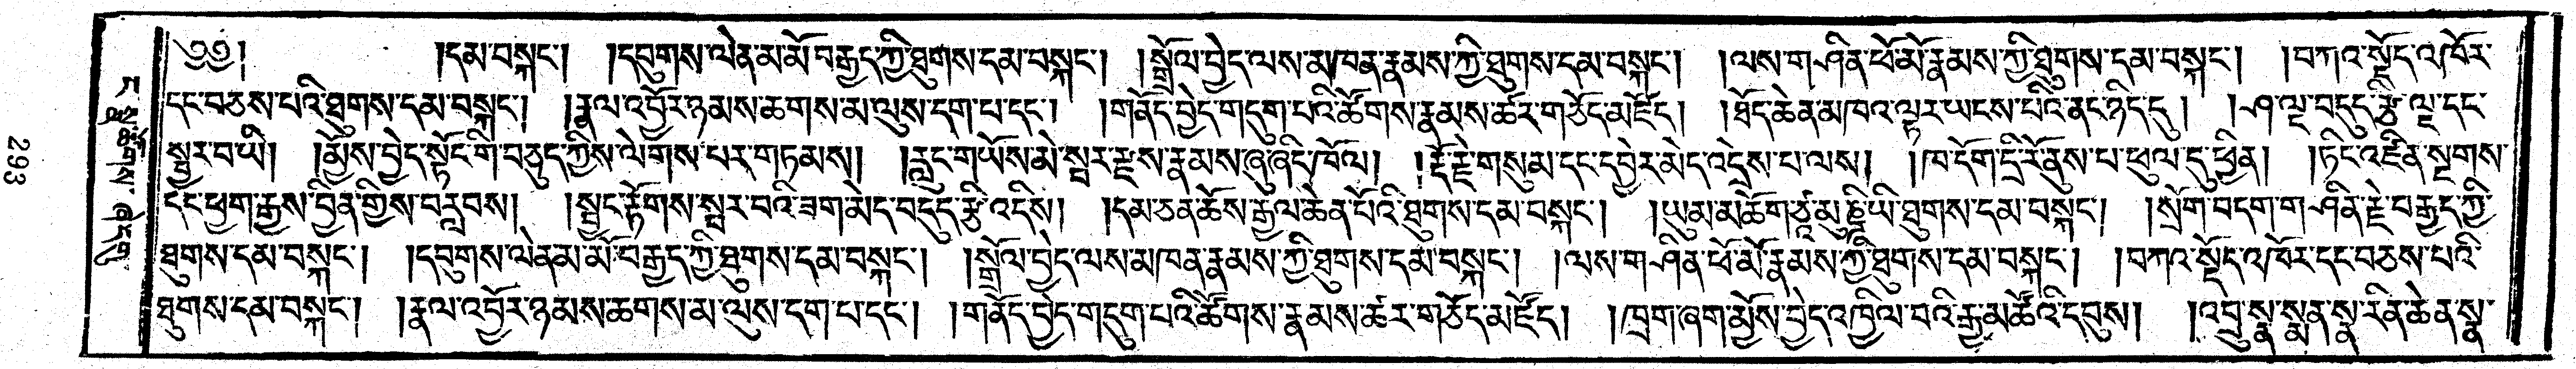༄༅། །དམ་བསྐང་། །དབུགས་ལེན་མ་མོ་བརྒྱད་ཀྱི་ཐུགས་དམ་བསྐང་། །སྒྲོལ་བྱེད་ལས་མཁན་རྣམས་ཀྱི་ཐུགས་དམ་བསྐང་། །ལས་གཤིན་ཕོ་མོ་རྣམས་ཀྱི་ཐུགས་དམ་བསྐང་། །བཀའ་སྡོད་འཁོར་
དང་བཅས་པའི་ཐུགས་དམ་བསྐང་། །རྣལ་འབྱོར་ཉམས་ཆགས་མ་ལུས་དག་པ་དང་། །གནོད་བྱེད་གདུག་པའི་ཚོགས་རྣམས་ཚར་གཅོད་མཛོད། །ཐོད་ཆེན་མཁའ་ལྟར་ཡངས་པའི་ནང་ཉིད་དུ། །ཤ་ལྔ་བདུད་རྩི་ལྔ་དང་
སྦྱར་བ་ཡི། །མྱོས་བྱེད་སྟོང་གི་བཅུད་ཀྱིས་ལེགས་པར་གཏམས། །རླུང་གཡོས་མེ་སྦར་རྫས་རྣམས་ཞུ་ཞིང་ཁོལ། །རྡོ་རྗེ་གསུམ་དང་དབྱེར་མེད་འདྲེས་པ་ལས། །ཁ་དོག་དྲི་རོ་ནུས་པ་ཕུལ་དུ་ཕྱིན། །ཏིང་འཛིན་སྔགས་
དང་ཕྱག་རྒྱས་བྱིན་གྱིས་བརླབས། །སྦྱང་རྟོགས་སྦར་བའི་ཟག་མེད་བདུད་རྩི་འདིས། །དམ་ཅན་ཆོས་རྒྱལ་ཆེན་པོའི་ཐུགས་དམ་བསྐང་། །ཡུམ་མཆོག་ཙཱ་མུཎྜི་ཡི་ཐུགས་དམ་བསྐང་། །སྲོག་བདག་གཤིན་རྗེ་བརྒྱད་ཀྱི་
ཐུགས་དམ་བསྐང་། །དབུགས་ལེན་མ་མོ་བརྒྱད་ཀྱི་ཐུགས་དམ་བསྐང་། །སྒྲོལ་བྱེད་ལས་མཁན་རྣམས་ཀྱི་ཐུགས་དམ་བསྐང་། །ལས་གཤིན་ཕོ་མོ་རྣམས་ཀྱི་ཐུགས་དམ་བསྐང་། །བཀའ་སྡོད་འཁོར་དང་བཅས་པའི་
ཐུགས་དམ་བསྐང་། །རྣལ་འབྱོར་ཉམས་ཆགས་མ་ལུས་དག་པ་དང་། །གནོད་བྱེད་གདུག་པའི་ཚོགས་རྣམས་ཚར་གཅོད་མཛོད། །ཁྲག་ཞག་མྱོས་བྱེད་འཁྱིལ་བའི་རྒྱ་མཚོའི་དབུས། །འབྲུ་སྣ་སྨན་སྣ་རིན་ཆེན་སྣ་